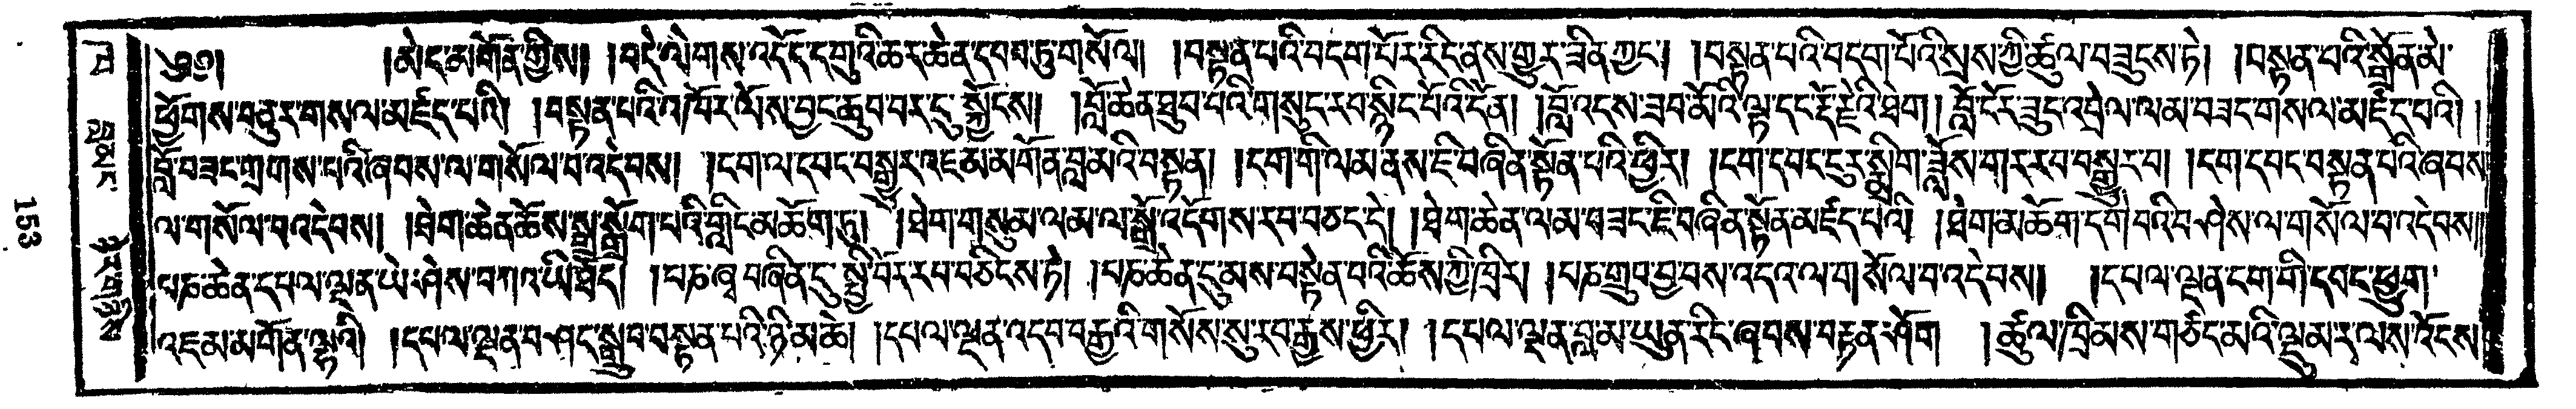༄༅། །མེད་མགོན་གྱིས། །བདེ་ལེགས་འདོད་དགུའི་ཆར་ཆེན་དབབ་ཏུ་གསོལ། །བསྟན་པའི་བདག་པོར་རིང་ནས་གྱུར་ཟིན་ཀྱང་། །བསྟན་པའི་བདག་པོའི་སྲས་ཀྱི་ཚུལ་བཟུངས་ཏེ། །བསྟན་པའི་སྒྲོན་མེ་
ཕྱོགས་བཅུར་གསལ་མཛད་པའི། །བསྟན་པའི་འཁོར་ལོས་བྱང་ཆུབ་བར་དུ་སྐྱོངས། །བློ་ཆེན་ཐུབ་པའི་གསུང་རབ་སྙིང་པོའི་དོན། །བློ་འདས་ཟབ་མོའི་ལྟ་དང་རྡོ་རྗེའི་ཐེག །བློ་ངོར་ཟུང་འབྲེལ་ལམ་བཟང་གསལ་མཛད་པའི། །
བློ་བཟང་གྲགས་པའི་ཞབས་ལ་གསོལ་བ་འདེབས། །ངག་ལ་དབང་བསྒྱུར་འཇམ་མགོན་བླ་མའི་བསྟན། །ངག་གི་ལམ་ནས་ཇི་བཞིན་སྟོན་པའི་ཕྱིར། །ངག་དབང་ངུར་སྨྲིག་ཟློས་གར་རབ་བསྒྱུར་བ། །ངག་དབང་བསྟན་པའི་ཞབས་
ལ་གསོལ་བ་འདེབས། །ཐེག་ཆེན་ཆོས་སྒྲ་སྒྲོག་པའི་གླིང་མཆོག་ཏུ། །ཐེག་གསུམ་ལམ་ལ་སྒྲོ་འདོགས་རབ་བཅད་དེ། །ཐེག་ཆེན་ལམ་བཟང་ཇི་བཞིན་སྟོན་མཛད་པའི། །ཐེག་མཆོག་དགེ་བའི་བཤེས་ལ་གསོལ་བ་འདེབས། །
པཎ་ཆེན་དཔལ་ལྡན་ཡེ་ཤེས་བཀའ་ཡི་ཐོད། །པཎ་ཞྭ་བཞིན་དུ་སྤྱི་བོར་རབ་བཅིངས་ཏེ། །པཎ་ཆེན་དུ་མས་བསྟེན་པའི་ཆོས་ཀྱི་ཁྲིར། །པཎ་གྲུབ་བྱ་བས་འདའ་ལ་གསོལ་བ་འདེབས། །དཔལ་ལྡན་ངག་གི་དབང་ཕྱུག་
འཇམ་མགོན་ལྷའི། །དཔལ་ལྡན་བཤད་སྒྲུབ་བསྟན་པའི་ཉི་མ་ཆེ། །དཔལ་ལྡན་འདབ་བརྒྱའི་གསོས་སུ་རབ་རྒྱས་ཕྱིར། །དཔལ་ལྡན་བླ་མ་ཡུན་རིང་ཞབས་བརྟན་ཤོག །ཚུལ་ཁྲིམས་གཙང་མའི་ལྡུམ་རྭ་ལས་འོངས་